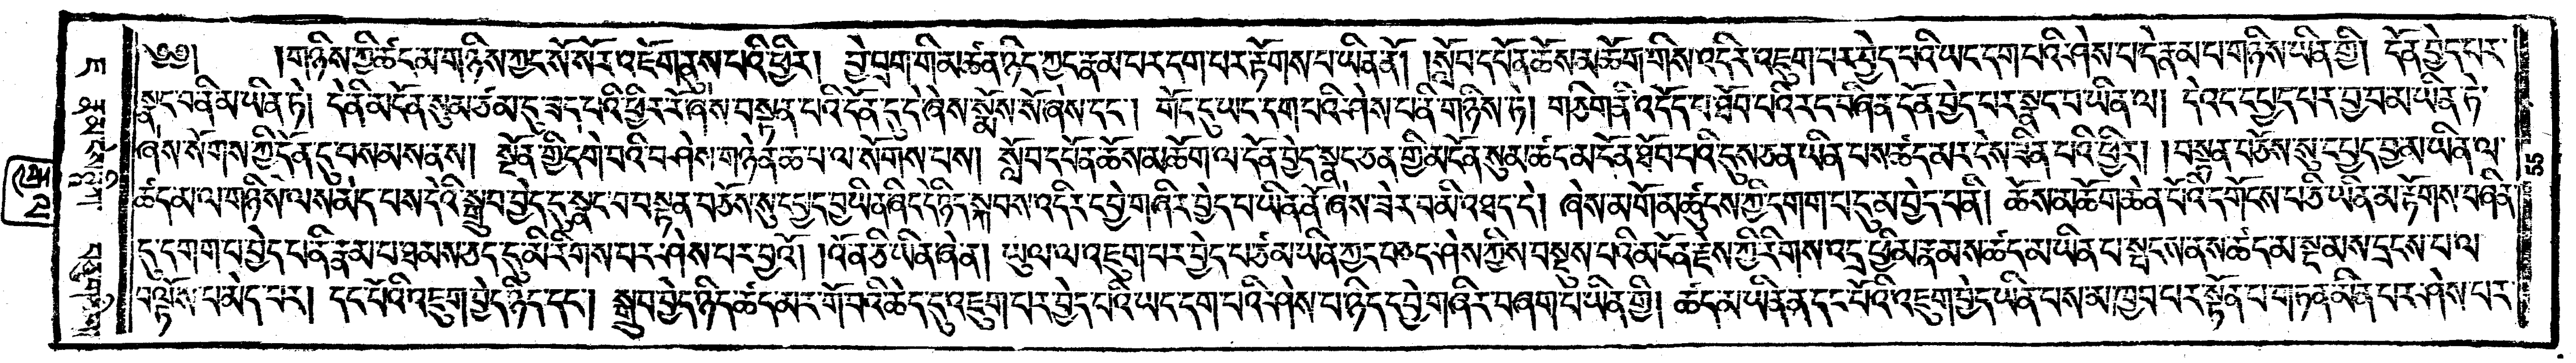༄༅། །གཉིས་ཀྱི་ཚད་མ་གཉིས་ཀྱང་སོ་སོར་འཇོག་ནུས་པའི་ཕྱིར། བྱེ་བྲག་གི་མཚན་ཉིད་ཀྱང་རྣམ་པར་དག་པར་རྟོགས་པ་ཡིན་ནོ། །སློབ་དཔོན་ཆོས་མཆོག་གིས་འདིར་འཇུག་པར་བྱེད་པའི་ཡང་དག་པའི་ཤེས་པ་དེ་རྣམ་པ་གཉིས་ཡིན་གྱི། དོན་བྱེད་པར་
སྣང་བ་ནི་མ་ཡིན་ཏེ། དེ་ནི་མངོན་སུམ་ཙམ་དུ་ཟད་པའི་ཕྱིར་རོ་ཞེས་བསྟན་པའི་དོན་དུ་དེ་ཞེས་སྨོས་སོ་ཞེས་དང་། གོང་དུ་ཡང་དག་པའི་ཤེས་པ་ནི་གཉིས་ཏེ། གཅིག་ནི་འདོད་པ་ཐོབ་པའི་རང་བཞིན་དོན་བྱེད་པར་སྣང་བ་ཡིན་ལ། དེའང་དཔྱད་པར་བྱ་བ་མ་ཡིན་ཏེ་
ཞེས་སོགས་ཀྱི་དོན་དུ་བསམས་ནས། སྔོན་གྱི་དགེ་བའི་བཤེས་གཉེན་ཆ་པ་ལ་སོགས་པས། སློབ་དཔོན་ཆོས་མཆོག་ལ་དོན་བྱེད་སྣང་ཅན་གྱི་མངོན་སུམ་ཚད་མ་དོན་ཐོབ་པའི་དུས་ཅན་ཡིན་པས་ཚད་མར་ངེས་ཟིན་པའི་ཕྱིར། །བསྟན་བཅོས་སུ་དཔྱད་བྱ་མ་ཡིན་ལ་
ཚད་མ་ལ་གཉིས་ལས་མེད་པས་དེའི་སྒྲུབ་བྱེད་དུ་སྣང་བ་བསྟན་བཅོས་སུ་དཔྱད་བྱ་ཡིན་ཞིང་དེ་ཉིད་སྐབས་འདིར་དབྱེ་གཞིར་བྱེད་པ་ཡིན་ནོ་ཞེས་ཟེར་བ་མི་འཐད་དེ། ཞེས་མགོ་མཚུངས་ཀྱི་དགག་པ་དུ་མ་བྱེད་པ་ནི། ཆོས་མཆོག་ཆེན་པོའི་དགོངས་པ་ཅི་ཡིན་མ་རྟོགས་བཞིན་
དུ་དགག་པ་བྱེད་པ་ནི་རྣམ་པ་ཐམས་ཅད་དུ་མི་རིགས་པར་ཤེས་པར་བྱའོ། །འོ་ན་ཅི་ཡིན་ཞེ་ན། ཡུལ་ལ་འཇུག་པར་བྱེད་པ་ཙམ་ཡིན་ཀྱང་བཅད་ཤེས་ཀྱིས་བསྡུས་པའི་མངོན་རྗེས་ཀྱི་རིགས་འདྲ་ཕྱི་མ་རྣམས་ཚད་མ་ཡིན་པ་སྤངས་ནས་ཚད་མ་སྔ་མས་དྲངས་པ་ལ་
བལྟོས་པ་མེད་པར། དང་པོའི་འཇུག་བྱེད་ཉིད་དང་། སྒྲུབ་བྱེད་ཉིད་ཚད་མར་གོ་བའི་ཆེད་དུ་འཇུག་པར་བྱེད་པའི་ཡང་དག་པའི་ཤེས་པ་ཉིད་དབྱེ་གཞིར་བཞག་པ་ཡིན་གྱི། ཚད་མ་ཡིན་ན་དང་པོའི་འཇུག་བྱེད་ཡིན་པས་མ་ཁྱབ་པར་སྟོན་པ་གཏན་མིན་པར་ཤེས་པར་